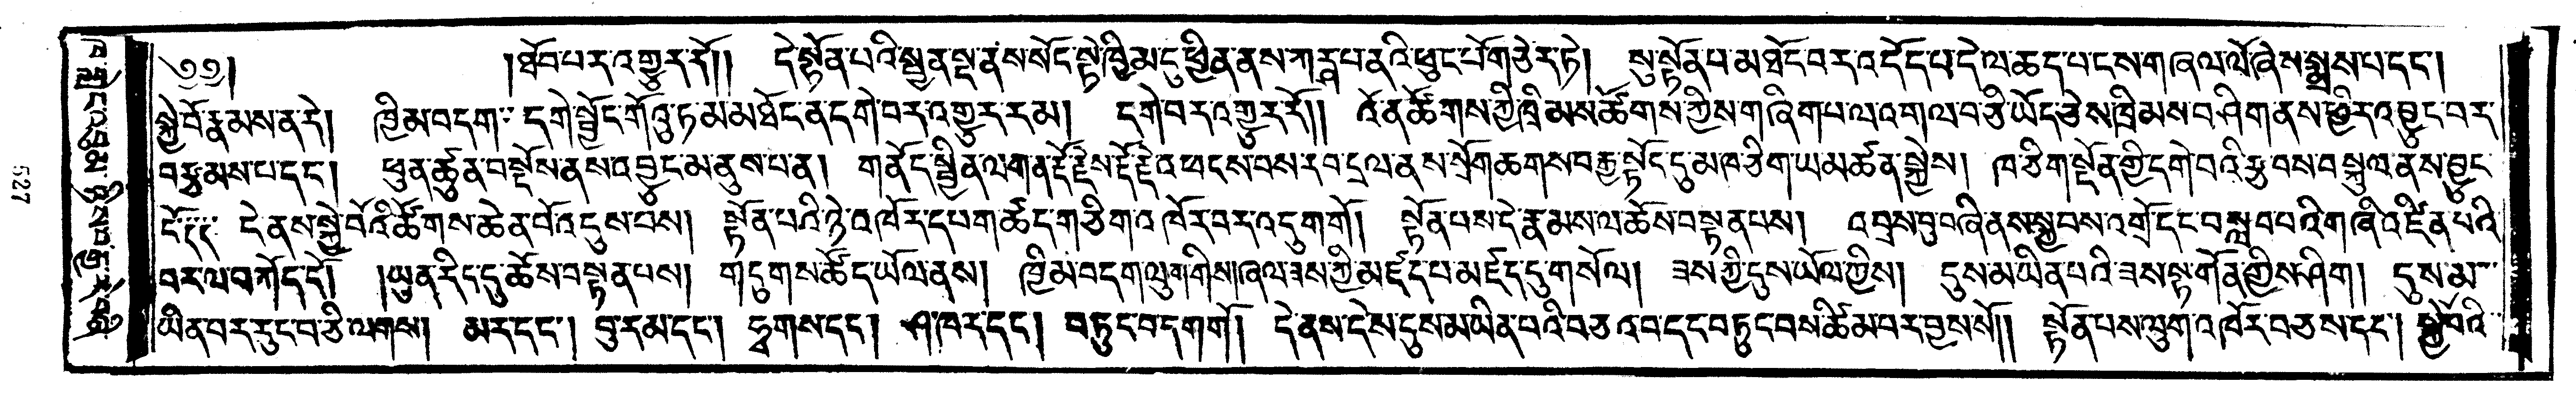༄༅། །ཐོབ་པར་འགྱུར་རོ།། དེ་སྟོན་པའི་སྦྱན་སྔ་ནས་སོང་སྟེ་ཁྱིམ་དུ་ཕྱིན་ནས་ཀརྴ་པ་ནའི་ཕུང་པོ་གཅེར་ཏེ། སུ་སྟོན་པ་མཐོང་བར་འདོད་པ་དེ་ལ་ཆད་པ་ངས་གཞལ་ལོ་ཞེས་སྨྲས་པ་དང་།
སྐྱེ་བོ་རྣམས་ན་རེ། ཁྱིམ་བདག་དགེ་སྦྱོང་གོའུ་ཏ་མ་མཐོང་ན་དགེ་བར་འགྱུར་རམ། དགེ་བར་འགྱུར་རོ།། འོ་ན་ཚོགས་ཀྱི་ཁྲིམས་ཚོགས་ཀྱིས་གཞིག་པ་ལ་འགལ་བ་ཅི་ཡོད་ཅེས་ཁྲིམས་བཤིག་ནས་ཕྱིར་འབྱུང་བར་
བརྩམས་པ་དང་། ཕུན་ཚུན་བསྔོས་ནས་འབྱུང་མ་ནུས་པ་ན། གནོད་སྦྱིན་ལག་ན་རྡོ་རྗེས་རྡོ་རྗེ་འཕངས་པས་རབ་དྲལ་ནས་སྲོག་ཆགས་བརྒྱ་སྟོང་དུ་མ་ཁ་ཅིག་ཡ་མཚན་སྐྱེས། ཁ་ཅིག་སྔོན་གྱི་དགེ་བའི་རྩ་བས་བསྐུལ་ནས་བྱུང་
ངོ༑༑ དེ་ནས་སྐྱེ་བོའི་ཚོགས་ཆེན་པོ་འདུས་པས། སྟོན་པའི་ཉེ་འཁོར་དཔག་ཚད་གཅིག་འཁོར་བར་འདུག་གོ། སྟོན་པས་དེ་རྣམས་ལ་ཆོས་བསྟན་པས། འབྲས་བུ་བཞི་ནས་སྐྱབས་འགྲོ་དང་བསླབ་པའི་གཞི་འཛིན་པའི་
བར་ལ་བཀོད་དོ། །ཡུན་རིང་དུ་ཆོས་བསྟན་པས། གདུགས་ཚོད་ཡོལ་ནས། ཁྱིམ་བདག་ལུག་གིས། ཞལ་ཟས་ཀྱི་མཛད་པ་མཛད་དུ་གསོལ། ཟས་ཀྱི་དུས་ཡོལ་ཀྱིས། དུས་མ་ཡིན་པའི་ཟས་སྟ་གོན་གྱིས་ཤིག། དུས་མ་
ཡིན་པར་རུང་བ་ཅི་ལགས། མར་དང་། བུ་རམ་དང་། ཧྭགས་དང་། ཤ་ཁར་དང་། བཏུང་བ་དག་གོ། དེ་ནས་དེས་དུས་མ་ཡིན་པའི་བཅའ་བ་དང་བཏུང་བས་ཚིམ་པར་བྱས་སོ།། སྟོན་པས་ལུག་འཁོར་བཅས་དང་། སྐྱེ་བོའི་